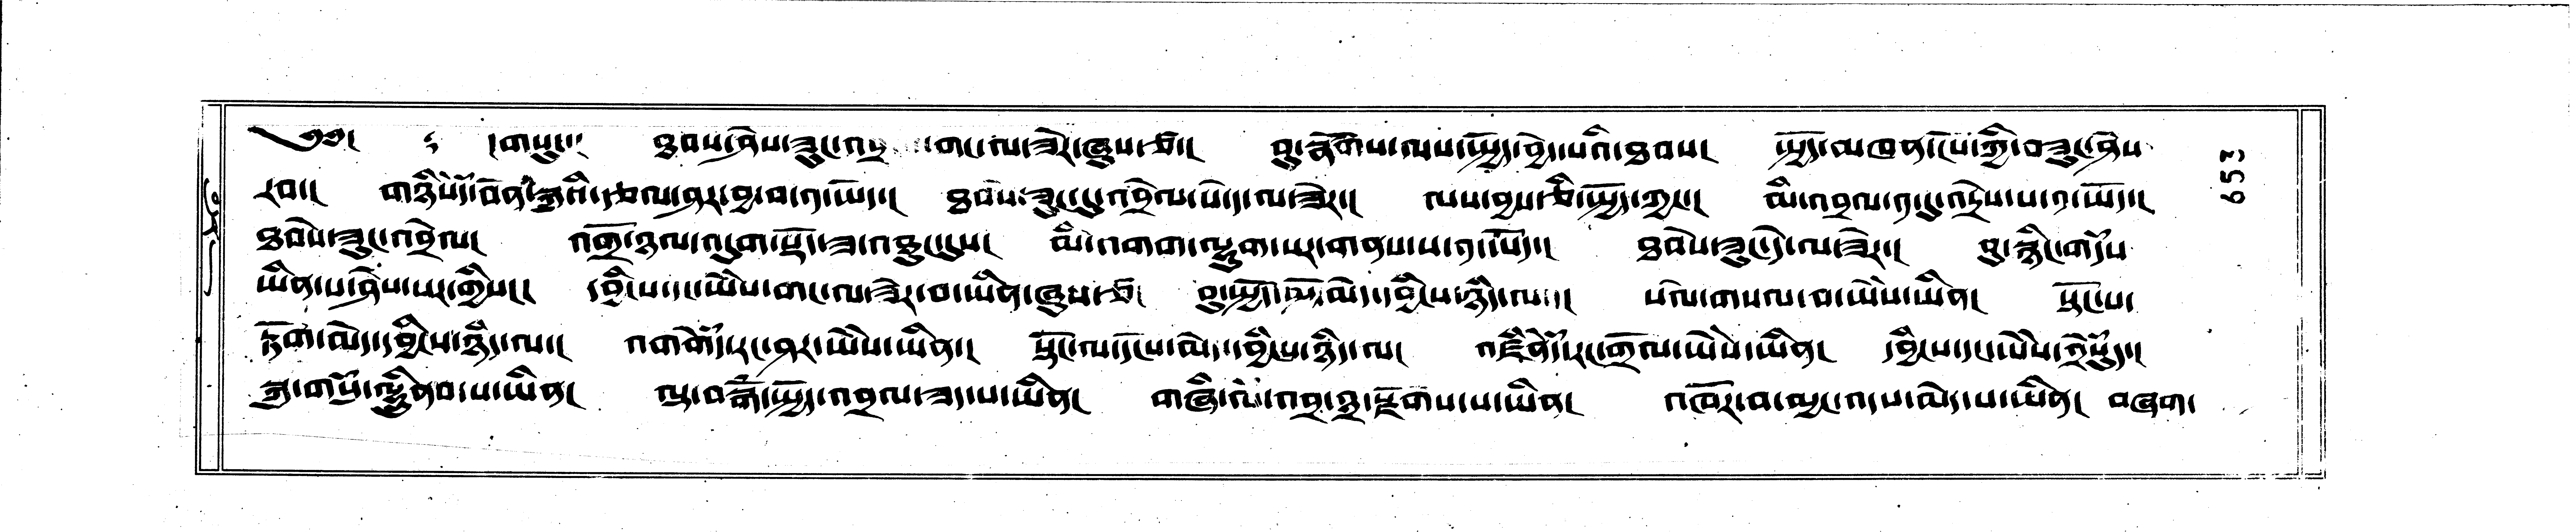གསུངས། ཐབས་ཤེས་ཟུང་འབྲེལ་གང་ལ་ཟེར་བ་ལགས་ཞུས་ཙ། བུ་སྣ་ཚོགས་ལས་ལ་སྤྱོད་པ་ཐབས། སྤྱོད་མཁན་ངོས་ཀྱི་བཟུངས་བ་ཤེས་
རབ། གཉིས་མེད་བོན་སྐུའི་སྩལ་དུ་ཤར་བ་གཅིག་ཡོད། ཐབས་ཤེས་ཟུང་འབྲེལ་དེ་ལ་ཟེར། ལས་བྱ་བ་བྱེད་སྤྱོད་ཅི་བྱེད་ཀྱང་། མི་འབྲལ་གཅིག་ཏུ་འདྲེས་པ་གཅིག་དགོས། 
ཐབས་ཤེས་ཟུང་འབྲེལ་དེ་ལ་ཟེར། འགྲོ་ཉལ་འདུག་སྡོད་ཟ་འཐུང་ཀྱི་དུས། མ་གྷག་(འགག)་ལྷུག་པར་གནས་པ་གཅིག་ཡོད། ཐབས་ཤེས་ཟུང་འབྲེལ་དེ་ལ་ཟེར། བུ་སྙིང་གཏམ་
ཡིན་པའི་༼པས༽ཤེས་པར་གྱིས་གསུངས། དབྱིངས་ཡེ་ཤེས་གཉིས་སུ་གང་ལ་ཟེར་ཞུས་ཙ། བུ་གཡོ་སྤྱོད་མེད་པའི་དབྱིངས་ཉིད་ལ། སལེ་གསལ་བ་ཡེ་ཤེས་ཡིན། སྟོང་པ་
རྟོག་མེད་དབྱིངས་ཉིད་ལ། འགག་མེད་རང་གྲོལ་ཡེ་ཤེས་ཡིན། སྟོང་པ་དངོས་མེད་དབྱིངས་ཉིད་ལ། འཛིན་མེད་རང་གསལ་ཡེ་ཤེས་ཡིན། དབྱིངས་དང་ཡེ་ཤེས་མཉམ་པ་ན། 
སྐུ་གསུམ་ལྷུན་གྱིས་གྲུབ་པ་ཡིན། ལྟ་བསྒོམ་སྤྱོད་འབྲས་ཟད་པ་ཡིན། གཞི་ལམ་འབྲས་གསུམ་རྫོགས་པ་ཡིན། འཁོར་བ་མྱ་ངན་མེད་པ་ཡིན། བདག་